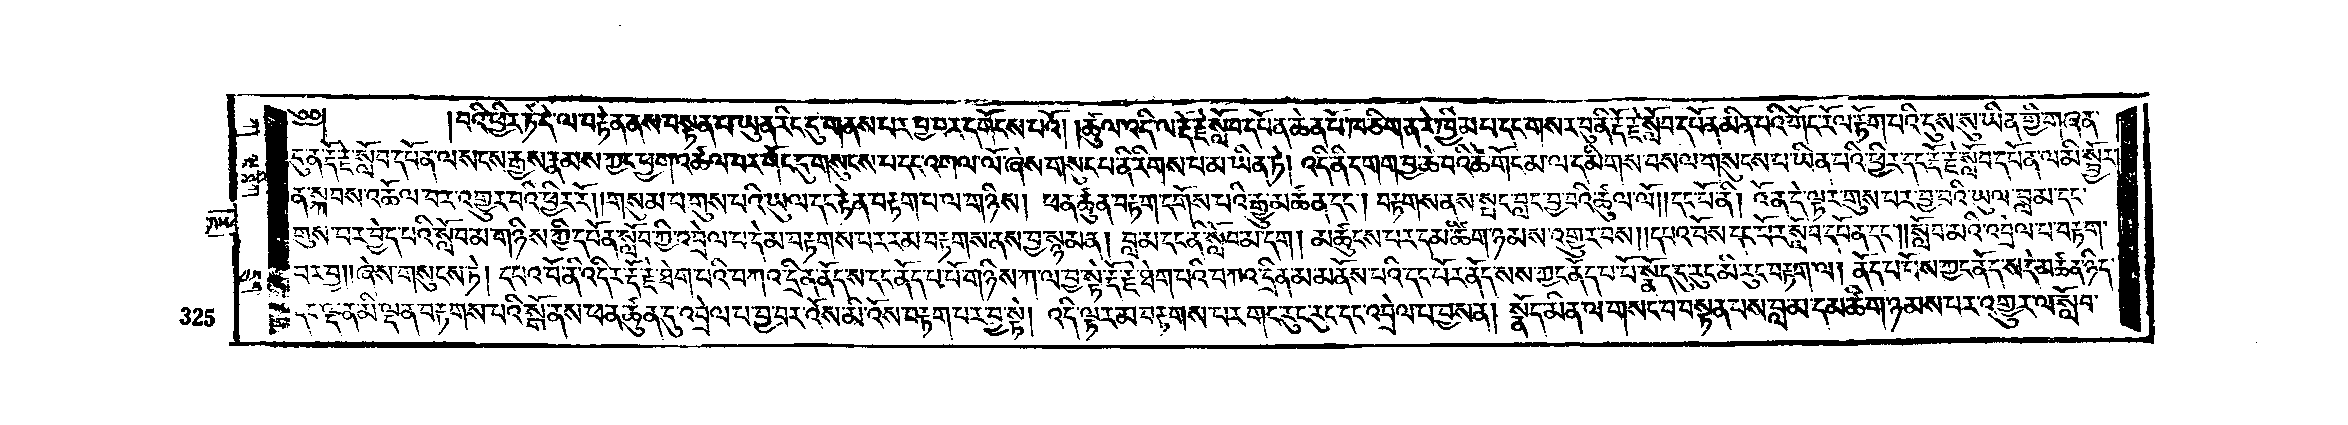༄༅། །བའི་ཕྱིར་ཏེ་དེ་ལ་བརྟེན་ནས་བསྟན་པ་ཡུན་རིང་དུ་གནས་པར་བྱ་བར་དགོངས་པའོ། །ཚུལ་འདི་ལ་རྡོ་རྗེ་སློབ་དཔོན་ཆེན་པོ་ཁ་ཅིག་ན་རེ་ཁྱིམ་པ་དང་གསར་བུ་ནི་རྡོ་རྗེ་སློབ་དཔོན་མིན་པའི་གོང་རོལ་རྟོག་པའི་དུས་སུ་ཡིན་གྱི་གཞན་
དུ་ན་རྡོ་རྗེ་སློབ་དཔོན་ལ་སངས་རྒྱས་རྣམས་ཀྱང་ཕྱག་འཚལ་བར་གོང་དུ་གསུངས་པ་དང་འགལ་ལོ་ཞེས་གསུང་པ་ནི་རིགས་པ་མ་ཡིན་ཏེ། འདི་ནི་དགག་བྱ་ཆེ་བའི་ཚེ་གོང་མ་ལ་དམིགས་བསལ་གསུངས་པ་ཡིན་པའི་ཕྱིར་དང་རྡོ་རྗེ་སློབ་དཔོན་ལ་མི་སྦྱོར་
ན་སྐབས་འཆོལ་བར་འགྱུར་བའི་ཕྱིར་རོ། །གསུམ་པ་གུས་པའི་ཡུལ་དང་རྟེན་བརྟག་པ་ལ་གཉིས། ཕན་ཚུན་བརྟག་དགོས་པའི་རྒྱུ་མཚན་དང་། བརྟགས་ནས་སྤང་བླང་བྱ་བའི་ཚུལ་ལོ། །དང་པོ་ནི། འོ་ན་དེ་ལྟར་གུས་པར་བྱ་བའི་ཡུལ་བླ་མ་དང་
གུས་པར་བྱེད་པའི་སློབ་མ་གཉིས་ཀྱི་དཔོན་སློབ་ཀྱི་འབྲེལ་པ་དེ་མ་བརྟགས་པར་རམ་བརྟགས་ནས་བྱ་སྙམ་ན། བླ་མ་དང་ནི་སློབ་མ་དག །མཚུངས་པར་དམ་ཚིག་ཉམས་འགྱུར་བས། །དཔའ་བོས་དང་པོར་སློབ་དཔོན་དང་། །སློབ་མའི་འབྲེལ་པ་བརྟག་
པར་བྱ། །ཞེས་གསུངས་ཏེ། དཔའ་བོ་ནི་འདིར་རྡོ་རྗེ་ཐེག་པའི་བཀའ་དྲིན་ནོད་ས་དང་ནོད་པ་པོ་གཉིས་ཀ་ལ་བྱ་སྟེ་རྡོ་རྗེ་ཐེག་པའི་བཀའ་དྲིན་མ་མནོས་པའི་དང་པོར་ནོད་སས་ཀྱང་ནོད་པ་པོ་སྣོད་དུ་རུང་མི་རུང་བརྟག་ལ། ནོད་པ་པོས་ཀྱང་ནོད་ས་དེ་མཚན་ཉིད་
དང་ལྡན་མི་ལྡན་བརྟགས་པའི་སྒོ་ནས་ཕན་ཚུན་དུ་འབྲེལ་པ་བྱ་བར་འོས་མི་འོས་བརྟག་པར་བྱ་སྟེ། འདི་ལྟར་མ་བརྟགས་པར་གང་རུང་རུང་དང་འབྲེལ་པ་བྱས་ན། སྣོད་མིན་ལ་གསང་བ་བསྟན་པས་བླ་མ་དམ་ཚིག་ཉམས་པར་འགྱུར་ལ་སློབ་